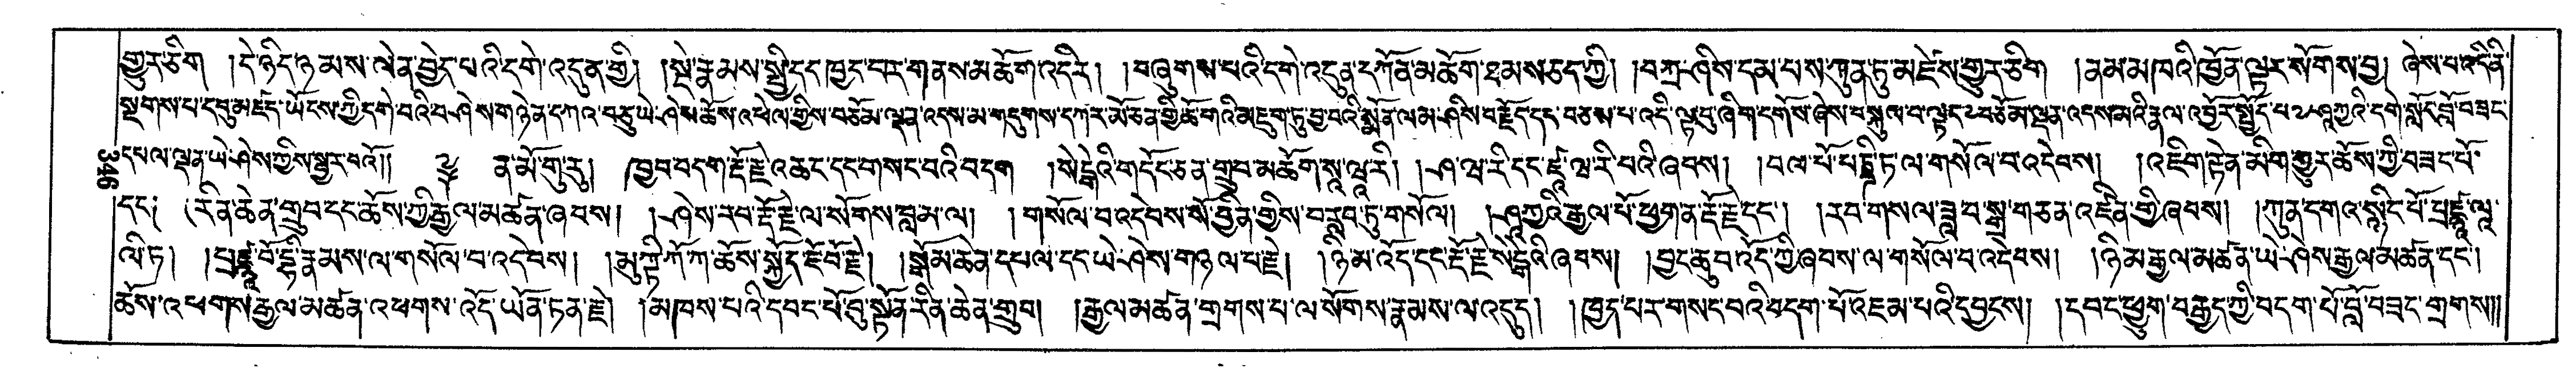གྱུར་ཅིག །དེ་ཉིད་ཉམས་ལེན་བྱེད་པའི་དགེ་འདུན་གྱི། །སྡེ་རྣམས་སྦྱི་དང་ཁྱད་པར་གནས་མཆོག་འདིར། །བཞུགས་པའི་དགེ་འདུན་དཀོན་མཆོག་ཐམས་ཅད་ཀྱི། །བཀྲ་ཤིས་དམ་པས་ཀུན་ཏུ་མཛེས་གྱུར་ཅིག །ནམ་མཁའི་ཁྱོན་ལྟར་སོགས་བྱ། ཞེས་པ་འདི་ནི་
སྔགས་པེ་དབུ་མཛད་ཡོངས་ཀྱི་དགེ་བའི་བཤེས་གཉེན་དཀའ་བཅུ་ཡེ་ཤེས་ཆོས་འཕེལ་གྱིས་བཅོམ་ལྡན་འདས་མ་གདུགས་དཀར་མོ་ཅན་གྱི་ཆོ་གའི་མཇུག་ཏུ་བྱ་བའི་སྨོན་ལམ་ཤིས་བརྗོད་དང་བཅས་པ་འདི་ལྟ་བུ་ཞིག་དགོས་ཞེས་བསྐུལ་བ་ལྟར་༈ བཅོམ་ལྡན་འདས་མའི་རྣལ་འབྱོར་སྤྱོད་པ་༧་ཤཱཀྱའི་དགེ་སློང་བློ་བཟང་
དཔལ་ལྡན་ཡེ་ཤེས་ཀྱིས་སྦྱར་བའོ།། ༈ ན་མོ་གུ་རུ། ཁྱབ་བདག་རྡོ་རྗེ་འཆང་དང་གསང་བའི་བདག །སེངྒེའི་གདོང་ཅན་གྲུབ་མཆོག་སཱ་ཝཱ་རི། །ཤ་ཝ་རི་དང་ཛཱ་ཝ་རི་པའི་ཞབས། །བལ་པོ་པཎྜི་ཏ་ལ་གསོལ་བ་འདེབས། །འཇིག་རྟེན་མིག་གྱུར་ཆོས་ཀྱི་བཟང་པོ་
དང༑ ༑རིན་ཆེན་གྲུབ་དང་ཆོས་ཀྱི་རྒྱལ་མཚན་ཞབས། །ཤེས་རབ་རྡོ་རྗེ་ལ་སོགས་བླ་མ་ལ། །གསོལ་བ་འདེབས་སོ་བྱིན་གྱིས་བརླབ་ཏུ་གསོལ། །ཤཱཀྱའི་རྒྱལ་པོ་ཕྱག་ན་རྡོ་རྗེ་དང་། །རབ་གསལ་ཟླ་བ་སྒྲ་གཅན་འཛིན་གྱི་ཞབས། །ཀུན་དགའ་སྙིང་པོ་ཕྲཛྙཱ་ལཱ་
ལི་ཏ། །པྲཛྙཱ་བོ་དྷི་རྣམས་ལ་གསོལ་བ་འདེབས། །མུཀྟི་ཀོ་ཀ་ཆོས་སྐྱོང་ཇོ་བོ་རྗེ། །སྒོམ་ཆེན་དཔལ་དང་ཡེ་ཤེས་གཉལ་པ་རྗེ། །ཉི་མ་འོད་དང་རྡོ་རྗེ་སེངྒེའི་ཞབས། །བྱང་ཆུབ་འོད་ཀྱི་ཞབས་ལ་གསོལ་བ་འདེབས། །ཉི་མ་རྒྱལ་མཚན་ཡེ་ཤེས་རྒྱལ་མཚན་དང་། །
ཆོས་འཕགས་རྒྱལ་མཚན་འཕགས་འོད་ཡོན་ཏན་རྗེ། །མཁས་པའི་དབང་པོ་བུ་སྟོན་རིན་ཆེན་གྲུབ། །རྒྱལ་མཚན་གྲགས་པ་ལ་སོགས་རྣམས་ལ་འདུད། །ཁྱད་པར་གསང་བའི་བདག་པོ་འཇམ་པའི་དབྱངས། །དབང་ཕྱུག་བརྒྱད་ཀྱི་བདག་པོ་བློ་བཟང་གྲགས། །